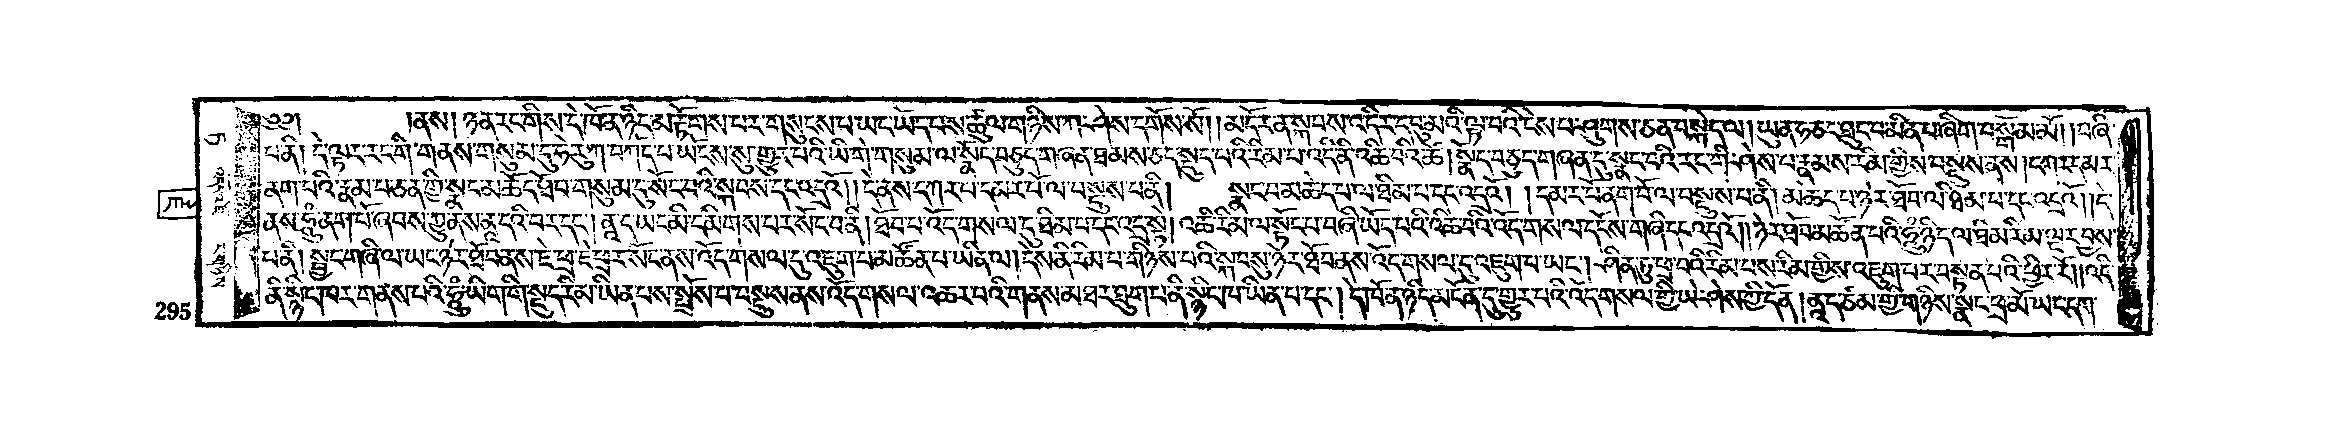༄༅། །ནས། ཉན་རང་གིས་དེ་ཁོ་ན་ཉིད་མ་རྟོགས་པར་གསུངས་པ་ཡང་ཡོད་པས་ཚུལ་གཉིས་ཀ་ཤེས་དགོས་སོ། །མདོར་ན་སྐབས་འདིར་དབུ་མའི་ལྟ་བའི་ངེས་པ་ཤུགས་ཅན་བསྐྱེད་ལ། ཡུན་ཧ་ཅང་ཐུང་བ་མིན་པ་ཞིག་བསྒོམ་མོ། །བཞི་
པ་ནི། དེ་ལྟར་རང་གི་གནས་གསུམ་དུ་ཧེ་རུ་ཀ་བཀོད་པ་ཡོངས་སུ་གྱུར་པའི་ཡི་གེ་གསུམ་ལ་སྣོད་བཅུད་གཞན་ཐམས་ཅད་སྡུད་པའི་རིམ་པ་འདི་ནི་འཆི་བའི་ཚེ། སྣོད་བཅུད་གཞན་དུ་སྣང་བའི་རང་གི་ཤེས་པ་རྣམས་རིམ་གྱིས་བསྡུས་ནས། དཀར་དམར་
ནག་པའི་རྣམ་པ་ཅན་གྱི་སྣང་མཆེད་ཐོབ་གསུམ་དུ་སོང་བའི་སྐབས་དང་འདྲའོ། །དེ་ནས་དཀར་པོ་དམར་པོ་ལ་བསྡུས་པ་ནི། སྣང་བ་མཆེད་པ་ལ་ཐིམ་པ་དང་འདྲའོ། །དམར་པོ་ནག་པོ་ལ་བསྡུས་པ་ནི། མཆེད་པ་ཉེར་ཐོབ་ལ་ཐིམ་པ་དང་འདྲའོ། །དེ་
ནས་ཧཱུཾ་ནག་པོ་ཞབས་ཀྱུ་ནས་ནཱ་དའི་བར་དང་། ནཱ་ད་ཡང་མི་དམིགས་པར་སོང་བ་ནི། ཐོབ་པ་འོད་གསལ་དུ་ཐིམ་པ་དང་འདྲ་སྟེ། འཆི་རིམ་ལ་སྟོང་པ་བཞི་ཡོད་པའི་འཆི་བའི་འོད་གསལ་དངོས་གཞི་དང་འདྲའོ། །ཉེར་ཐོབ་མཚོན་པའི་ཧཱུཾ་ཉིད་ལ་ཐིམ་རིམ་ལྔར་བྱས་
པ་ནི། སྦྱང་གཞི་ལ་ཡང་ཉེར་ཐོབ་ནས་ཇེ་ཕྲ་ཇེ་ཕྲར་སོང་ནས་འོད་གསལ་དུ་འཇུག་པ་མཚན་པ་ཡིན་ལ། དེས་ནི་རིམ་པ་གཉིས་པའི་སྐབས་སུ་ཉེར་ཐོབ་ནས་འོད་གསལ་དུ་འཇུག་པ་ཡང་། ཤིན་ཏུ་ཕྲ་བའི་རིམ་པས་རིམ་གྱིས་འཇུག་པར་བསྟན་པའི་ཕྱིར་རོ། །འདི་
ནི་སྙིང་ཁར་གནས་པའི་ཧཱུཾ་ཡིག་གི་སྡུད་རིམ་ཡིན་པས་སྤྲོས་པ་བསྡུས་ནས་འོད་གསལ་འཆར་བའི་གནས་མཐར་ཐུག་པ་ནི་སྙིང་ཁ་ཡིན་པ་དང་། དེ་ཁོ་ན་ཉིད་མངོན་དུ་གྱུར་པའི་འོད་གསལ་གྱི་ཡེ་ཤེས་ཀྱི་དོན། ནཱ་ད་ཙམ་གྱི་གཉིས་སྣང་ཕྲ་མོ་ཡང་དག་